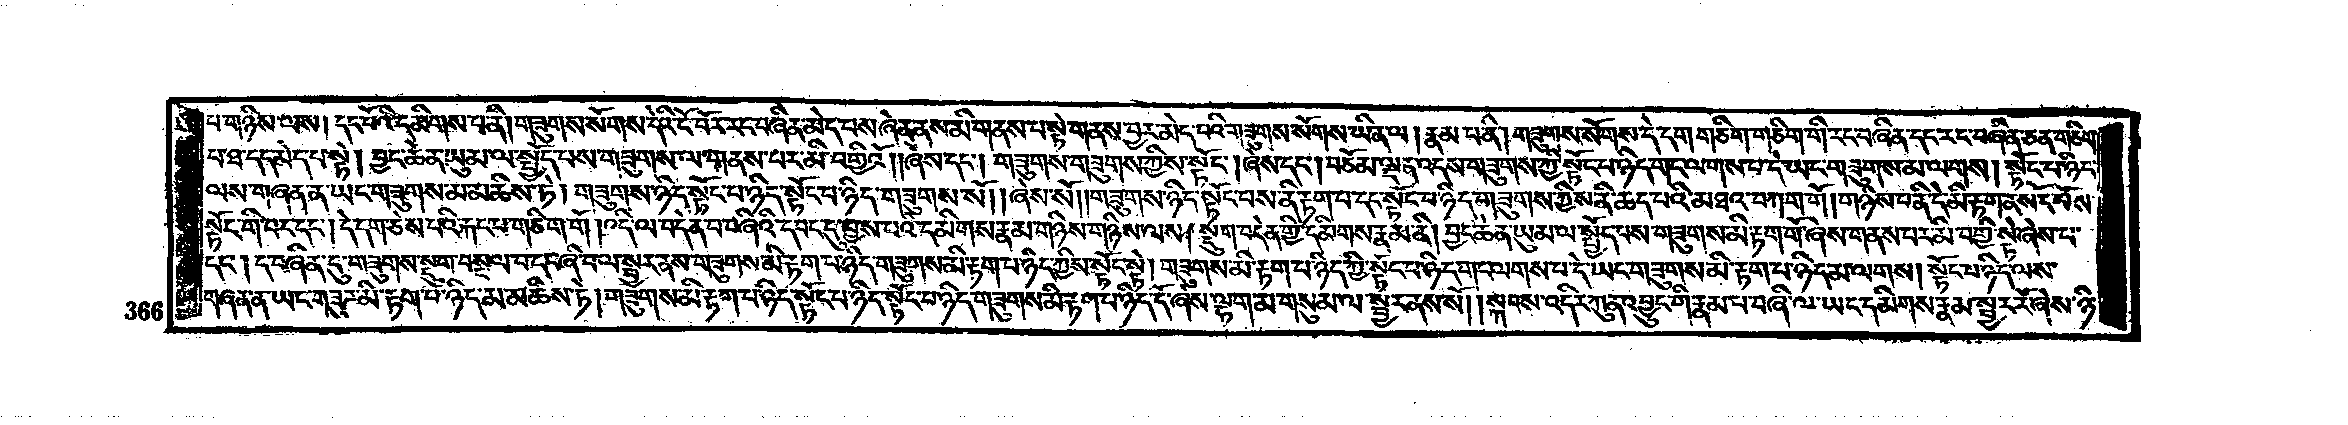པོ་གཉིས་ལས། དང་པོའི་དམིགས་པ་ནི། གཟུགས་སོགས་དེའི་ངོ་བོར་རང་བཞིན་མེད་པས་ཞེན་ནས་མི་གནས་པ་སྟེ་གནས་བྱར་མེད་པའི་གཟུགས་སོགས་ཡིན་ལ། རྣམ་པ་ནི། གཟུགས་སོགས་དེ་དག་གཅིག་གཅིག་གི་རང་བཞིན་དང་རང་བཞིན་ཅན་གཅིག་
པ་ཐ་དད་མེད་པ་སྟེ། བྱང་ཆེན་ཡུམ་ལ་སྤྱོད་པས་གཟུགས་ལ་གནས་པར་མི་བགྱིའོ། །ཞེས་དང་། གཟུགས་གཟུགས་ཀྱིས་སྟོང་། ཞེས་དང་། བཅོམ་ལྡན་འདས་གཟུགས་ཀྱི་སྟོང་པ་ཉིད་གང་ལགས་པ་དེ་ཡང་གཟུགས་མ་ལགས། སྟོང་པ་ཉིད་
ལས་གཞན་ན་ཡང་གཟུགས་མ་མཆིས་ཏེ། གཟུགས་ཉིད་སྟོང་པ་ཉིད་སྟོང་པ་ཉིད་གཟུགས་སོ། །ཞེས་སོ། །གཟུགས་ཉིད་སྟོང་པས་ནི་རྟག་པ་དང་སྟོང་པ་ཉིད་གཟུགས་ཀྱིས་ནི་ཆད་པའི་མཐའ་བཀག་གོ །གཉིས་པ་ནི་དེ་མི་རྟག་ནས་ངོ་བོས་
སྟོང་གི་བར་དང་། དེ་དག་ཅེས་པའི་རྐང་པ་གཅིག་གོ །འདི་ལ་བདེན་པ་བཞིའི་དབང་དུ་བྱས་པའི་དམིགས་རྣམ་གཉིས་གཉིས་ལས། སྡུག་བདེན་གྱི་དམིགས་རྣམ་ནི། བྱང་ཆེན་ཡུམ་ལ་སྤྱོད་པས་གཟུགས་མི་རྟག་གོ་ཞེས་གནས་པར་མི་བགྱི་སྟེ་ཞེས་པ་
དང་། དེ་བཞིན་དུ་གཟུགས་སྡུག་བསྔལ་བ་དང་ཞི་བ་ལ་སྦྱར་ནས་གཟུགས་མི་རྟག་པ་ཉིད་གཟུགས་མི་རྟག་པ་ཉིད་ཀྱིས་སྟོང་སྟེ། གཟུགས་མི་རྟག་པ་ཉིད་ཀྱི་སྟོང་པ་ཉིད་གང་ལགས་པ་དེ་ཡང་གཟུགས་མི་རྟག་པ་ཉིད་མ་ལགས། སྟོང་པ་ཉིད་ལས་
གཞན་ན་ཡང་གཟུགས་མི་རྟག་པ་ཉིད་མ་མཆིས་ཏེ། གཟུགས་མི་རྟག་པ་ཉིད་སྟོང་པ་ཉིད་སྟོང་པ་ཉིད་གཟུགས་མི་རྟག་པ་ཉིད་དོ་ཞེས་ལྷག་མ་གསུམ་ལ་སྦྱར་ནས་སོ། །སྐབས་འདིར་ཀུན་འབྱུང་གི་རྣམ་པ་བཞི་ལ་ཡང་དམིགས་རྣམ་སྦྱར་རོ་ཞེས་ཉི་